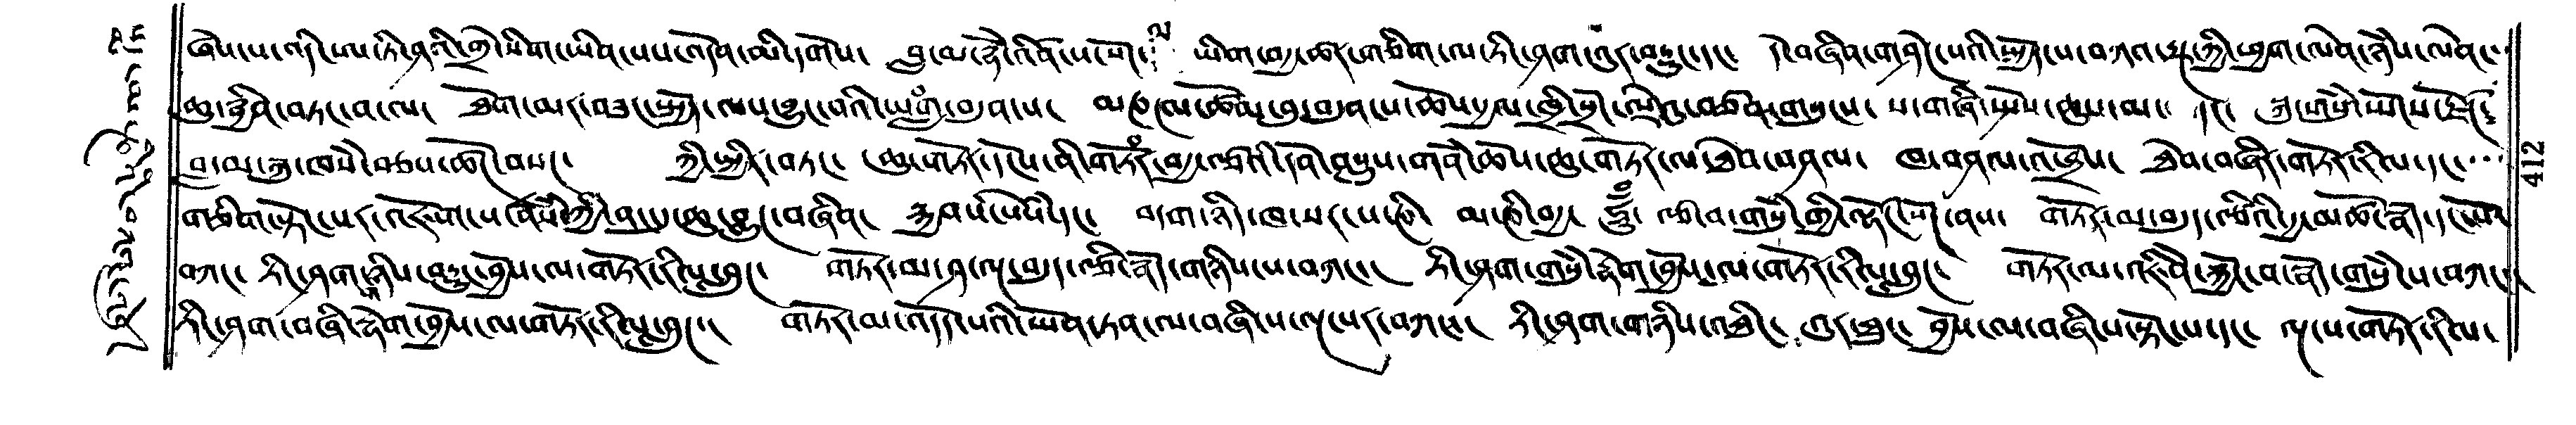ཞེས་པ་འདི་ཨ་ཏི་ཤའི་གྲེ་སིག་ཡིན་པས་འདོན་མི་དགོས། བླ་མ་རྡོ་རྗེ་འཛིན་པ་སོགས་ལ་ཡིག་བརྒྱ་ཚར་གཅིག་ལ་ཏིང་ཤག་འུར་རྡུང་དང་། དེ་བཞིན་གཤེགས་པའི་སྤྱོད་པ་བཀའ་རྟགས་ཀྱི་ཕྱག་ལེན་ཉམས་ལེན་
ཆུ་སྦྱིན་གཏོང་བ་ལ། ཐོག་མར་བཟང་སྤྱོད་ལས་བྱུང་བའི་ཡན་ལག་བདུན་པ། མཎྜལ་ཚོམ་བུ་བདུན་པ་ཆོས་རྒྱལ་ཁྲི་སྲོང་ལྡེའུ་བཙན་གསུང་། ས་གཞི་སྤོས་ཆུས་མ་དང་། སྐུ་གསུམ་ཡོངས་རྫོགས༴ 
བླ་མ་སྐུ་ཁམས་བཅས་ཚོགས་བསགས་སྤྱིར་གཏང་། ཆུ་གཏོར་དངོས་ནི་གཏོར་མ་བརྒྱ་རྩའི་དོན་བསྡུས་གནམ་ཆོས་ཆུ་གཏོར་ལ་ཐེབ་གཤལ། ཁ་གཤལ་འཕྲོས། ཐེབ་བཞིར་གཏོར་རིལ་དང་། 
གཅིག་སྟོང་པར་འཇོག་པ་རྣམས་ཀྱི་ནང་དུ་ཆུ་བླུག་བཞིན། སྐྱབས་སེམས་དང་། བདག་ཉིད་ཁ་སར་པ་ཎི། མ་ཎི་བརྒྱ། ཧཱུྃ། རྩ་བ་གསུམ་གྱི་ལྷ་ཚོགས་སོགས་ནས། གཏོར་མ་བདུད་རྩིའི་རྒྱ་མཚོ་སྣོད་དང་པོ་
དགང་། ཏིང་ཤག་གཉིས་རྡུང་བྱོས་ལ་གཏོར་རིལ་བླུགས། གཏོར་མ་ཤ་ལྔ་བདུད་རྩི་སྣོད་གཉིས་པ་དགང་། ཏིང་ཤག་གསུམ་རྡེག་བྱོས་ལ་གཏོར་རིལ་བླུགས། གཏོར་མ་འཇིག་རྟེན་སྐྱོང་བ་སྣོད་གསུམ་པ་དགང་། 
ཏིང་ཤག་བཞི་རྡེག་བྱོས་ལ་གཏོར་རིལ་བླུགས། གཏོར་མ་འདོད་པའི་ཡོན་ཏན་ལ་བཞི་པ་ལྔ་པར་དགང་། ཏིང་ཤག་གཉིས་ཐིང་། འུར་ཐུང་བྱོས་ལ་བཞི་པ་སྟོང་པ་དང་། ལྔ་པ་གཏོར་རིལ་